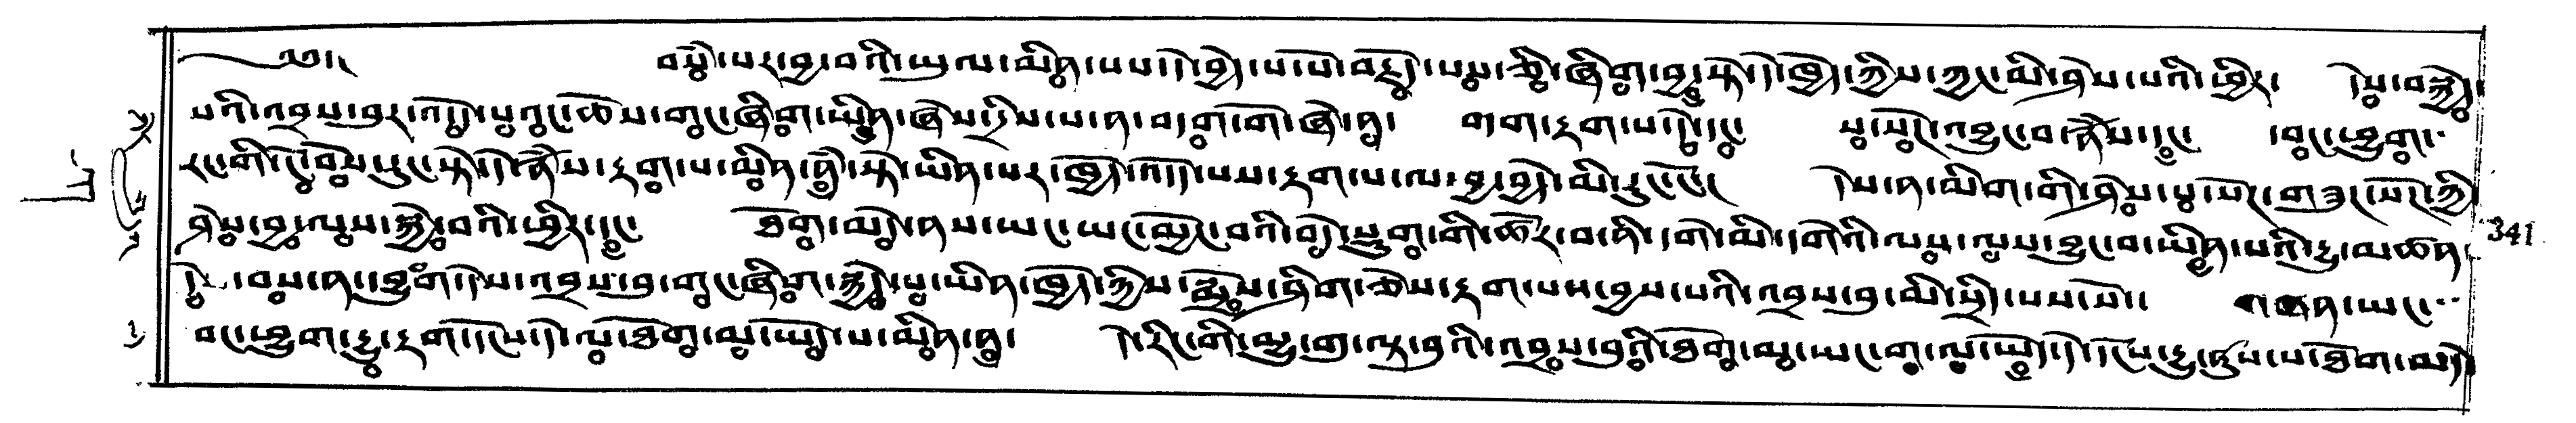བསམ་པར་བྱ་བའི་ཡུལ་མིན་པས་དེ་བྱེད་པ་པོ་བརྗོད་པས་ཅི་ཞིག་བྱ་སྟེ་དེ་ཁྱོད་ཀྱིས་ཀྱང་མི་ཤེས་པའི་ཕྱིར། དེས་བསྐྱེད་
པའི་འབྲས་བུར་འདོད་པའང་ཆོས་གང་ཞིག་ཡིན་ཞེས་དྲིས་པ་ན་བདག་གོ་ཞེ་ན། བདག་རྟག་པ་དེ་དང་། ས་སོགས་འབྱུང་བ་རྣམས་དང་། དབང་ཕྱུག་
རང་གི་ངོ་བོས་རུང་སྟེ་དེ་རྣམས་རྟག་པ་མིན་ནམ་སྟེ་ཡིན་པར་ཁྱོད་འདོད་པས་རྟག་པ་ལ་བྱ་བྱེད་མི་རུང་ངོ་།། དེས་ན་མིག་གི་ཤེས་པ་སོགས་གཟུགས་སོགས་ཀྱི་
ཤེས་བྱ་ལས་སྐྱེ་བའི་ཕྱིར་དང་། ཐོག་མེད་ནས་ཡང་ཡང་མྱོང་བའི་བདེ་སྡུག་གི་ཚོར་བ་ནི་དགེ་མི་དགེའི་ལས་ལས་བྱུང་བ་ཡིན་པའི་རྒྱུ་མཚན་
དེ་བས་ན་དབང་ཕྱུག་དེས་འབྲས་བུ་གང་ཞིག་སྐྱེས་པ་ཡིན་ཁྱོད་ཀྱིས་སྨྲོས་ཤིག་ཅེས་རྟག་པས་བྱས་པའི་འབྲས་བུ་མི་སྲིད་པས་སོ།། གཞན་ཡང་
དབང་ཕྱུག་གི་རྒྱུ་རྟག་དངོས་དེ་ལ་ཐོག་མ་ཡོད་པ་མིན་ན། དེ་རིང་གི་མྱུ་གུ་ལྟ་བུའི་འབྲས་བུའི་ཐོག་མ་ཡང་ག་ལ་ཡོད་དེ་དངོས་རྒྱུ་ནུས་པ་ཐོགས་མེད་